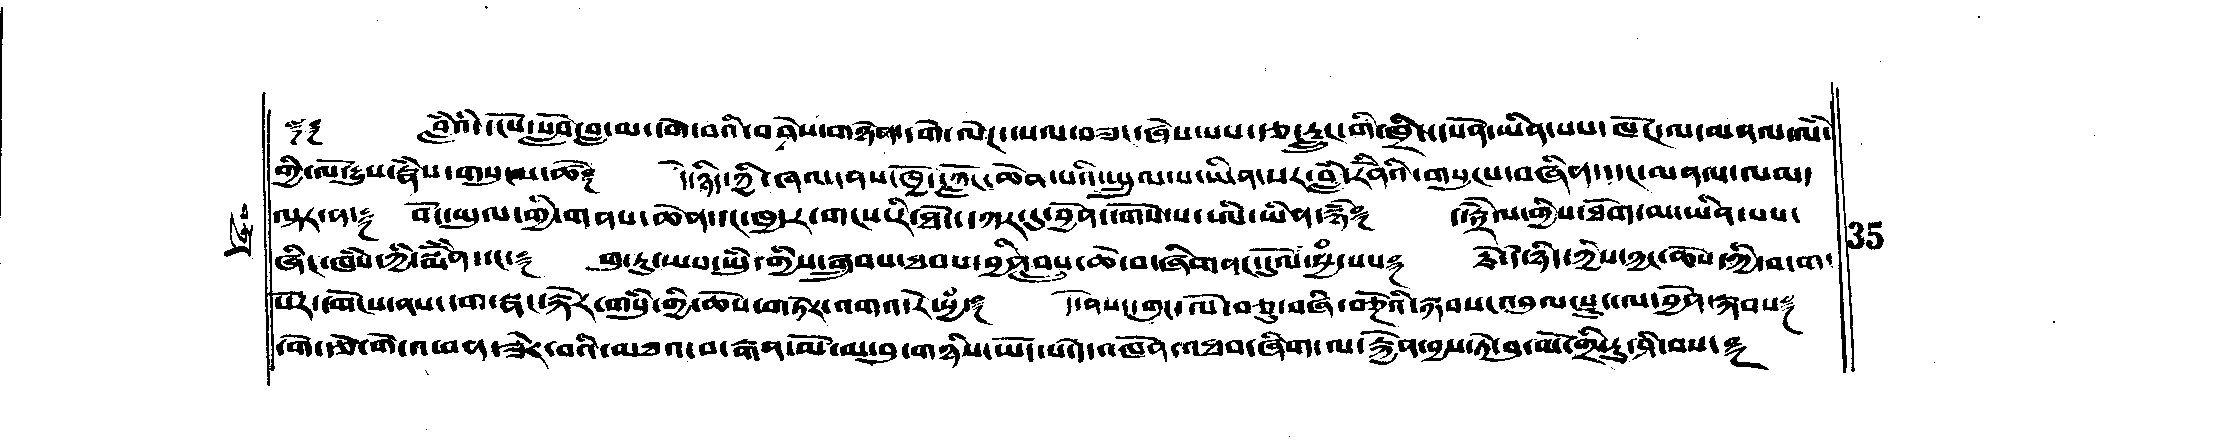བླ་མའི་དངོས་སློབ་བླ་མ་དགེ་བའི་བཤེས་གཉེན་དགེ་ལེགས་དཔལ་བཟང་ཞེས་པ་རྩ་རླུང་གི་ཁྲིད་དཔོན་ཡིན་པས་ཁོང་ལ་མནལ་ལམ་
གྱི་ལོ་རྒྱུས་རྣམས་གསུངས་ཚེ། དེ་ཉིད་ཀྱི་ཞལ་ནས་ཁྱོད་ཀློང་ཆེན་པའི་སྤྲུལ་པ་ཡིན་པར་བླ་མ་རིན་པོ་ཆེའི་གསུངས་བཞིན་དང་མནལ་ལམ་
ལྟར་ན། བོད་ཡུལ་གྱི་གནས་ཆེན་དང་ཁྱད་པར་གངས་རི་ཐོད་དཀར་དུ་བྱོན་དགོས་པ་ཨི་ཡིན་སྙམ། ད་རྟེན་འབྲེལ་གྱིས་ཐོག་མ་ཡིན་པས་
ཞིང་ཁམས་ཀྱི་སྨོན་ལམ་དང་། གུ་རུ་ཡབ་ཡུམ་གྱིས་སྒྲུབ་ཐབས་བྱིན་རླབས་ཆེ་བ་ཞིག་གནང་དུ་གསོལ་གསུངས་པས།རྗེ་དེ་ཉིད་ཀྱིས་ཀྱང་ཆོས་ཀྱི་བདག་
པོར་དགོངས་ནས་དག་སྣང་སྐོར་གསུམ་གྱི་ཆོས་གཏེར་འགའ་རེ་གསུངས། དེ་ནས་དགུང་ལོ་བཅུ་བཞི་བཅོ་ལྔའི་སྐབས་འབུལ་སྡུད་ལ་བྱོན་སྐབས། 
དགེ་རྩེ་གོ་འཕན་ཟེར་བའི་མཐའ་བ་རྒན་མོ་མ་བུ་གཉིས་ཡོད་པ་དེ་འཁོན་འཐབ་ཞིག་ལ་རྐྱེན་བྱས་ཏེ་བུ་མོ་གྲི་རུ་ཤི་བས།